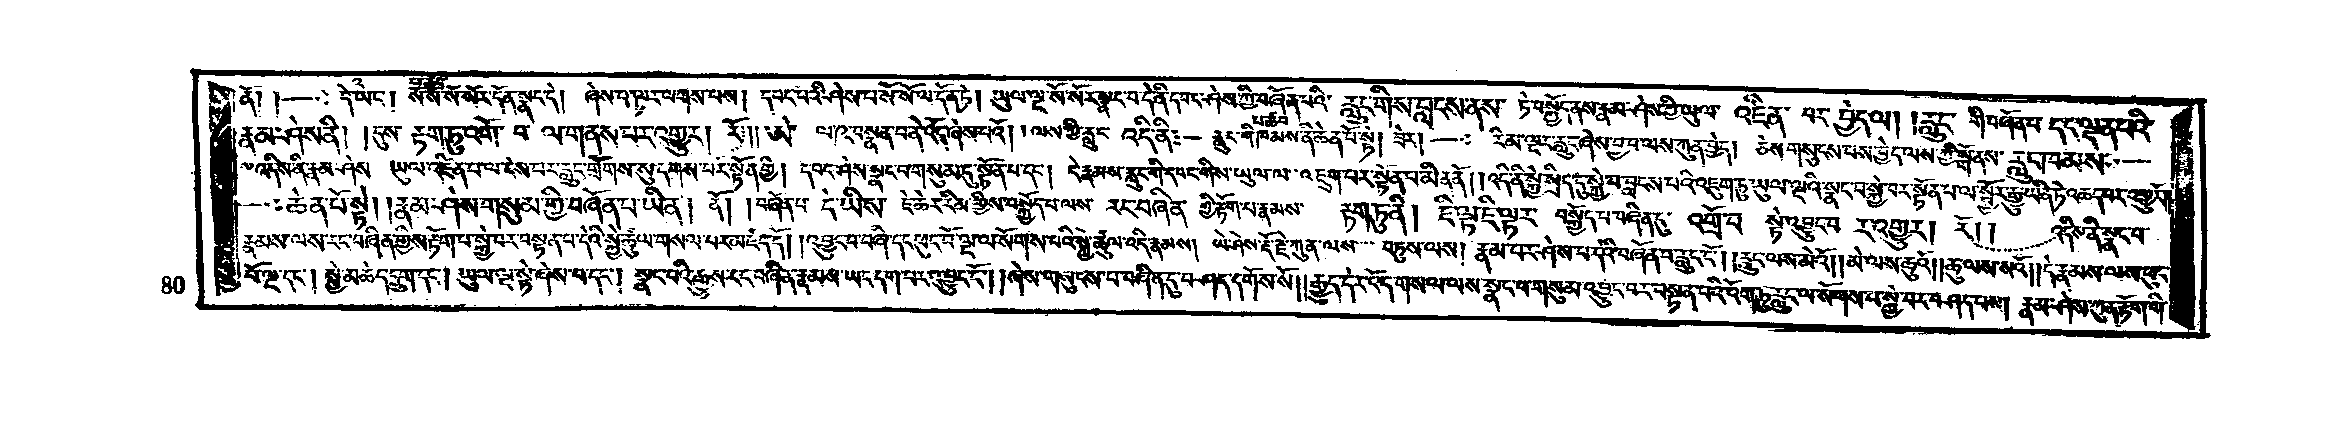ནོ། །.Hདེ་ཡང་། ས་ས་སོ་སོ་དོན་སྣང་དེ། ཞེས་པ་ལྟར་ལེགས་པས། དབང་པའི་ཤེས་པ་སོ་སོ་ལ་དོན་ཏེ། ཡུལ་ལྔ་སོ་སོར་སྣང་བ་དེ་ནི་དབང་ཤེས་ཀྱི་བཞོན་པའི་རླུང་གིས་བླངས་ནས་ཏེ་བསྐྱོད་ནས་རྣམ་ཤེས་ཀྱི་ཡུལ་འཛིན་པར་བྱེད་ལ། །རླུང་གི་བཞོན་ལ་དང་ལྡན་པའི་
རྣམ་ཤེས་ནི། །དུས་ཏག་ཏུ་འགོ་བ་ལ་གནས་པར་འགྱུར། རོ།།ཨེ་ལ་ཥ་བསྣན་པ་ནི་འདི་ཞེས་པའོ། །ལས་ཀྱི་རླུང་འདི་ནིཿརླུང་གི་ཁམས་ནི་ཆེན་པོ་སྟེ། ཟེར།.H རིམ་ལྔར་རླུང་ཞེས་བྱ་བ་ལས་ཀུན་བྱེད། ཅེས་གསུངས་པས་བྱེད་ལས་ཀྱི་སྒོ་ནས་ལུང་ཁམསཿ
༧འདིས་ནི་རྣམ་ཤེས་ཀྱིས་ཡུལ་འཛིན་པ་ལ་ངེས་པར་རླུང་གྲོགས་སུ་དགས་པར་སྟོན་གྱི་དབང་ཤེས་སྣང་བ་གསུམ་དུ་སྟོན་པ་དང་། དེ་རྣམས་ལུང་གི་དབང་གིས་ཡུ་ལ་འཇུག་པ་སྟོན་པ་མིན་ནོ། །འདི་ནི་སྐྱེ་སྲིད་དུ་སྐྱེ་བ་ལངས་པའི་འཇུག་ཏུ་ཡུལ་ལྔའི་སྣང་བ་སྐྱེ་བར་སྟོན་པ་ལ་སྦྱོར་རྒྱུ་ཡིན་ཏེ་འཆད་འཆད་པར་འགྱུར་རོ།།
.Hཆེན་པོ་སྟེ། །རྣམ་ཤེས་གསུམ་གྱི་བཞོན་པ་ཡིན།ནོ། །བཞོན་པ་དེ་ཡིས་ཇེ་ཆེར་རིམ་གྱིས་བསྐྱོད་པ་ལས་རང་བཞིན་གྱི་རྟོག་པ་རྣམས་རྟག་ཏུ་ནི། ཇི་ལྟ་ཇི་ལྟར་བསྐྱོད་པ་བཞིན་དུ་འགྲོ་བ་སྟེ་འབྱུང་བར་འགྱུར། རོ། །འདིས་ནི་སྣང་བ་
རྣམས་ལས་རང་བཞིན་གྱིས་རྟོག་པ་སྐྱེ་བར་བསྟན་པ་དེའི་སྐྱེ་ཚུལ་གསལ་བར་མཛད་དོ། །འབྱུང་བ་བཞི་དང་ཕང་པོ་ལྔ་ལ་སོགས་པའི་སྐྱེ་ཚུལ་འདི་རྣམས། ཡེ་ཤེས་རྡོ་རྗེ་ཀུན་ལས་ཏུས་ལས། རྣམ་པར་ཤེས་པ་དེ་བཞོན་པ་རླུང་ངོ། །རླུང་ལས་མེའོ། །མེ་ལས་ཆུའོ། །ཆུ་ལས་སའོ། །དེ་རྣམས་ལས་ཕུང་
པོ་ལྔ་དང་། སྐྱེ་མཆེད་དྲུག་དང་། ཡུལ་ལྔ་སྟེ་ཞེས་པ་དང་སྣང་བའི་རྒྱུས་རང་བཞིན་རྣམས་ཡང་དག་པར་འབྱུང་ངོ། །ཞེས་གསུངས་པ་བཞིན་དུ་བཤད་དགོས་སོ། །རྒྱུད་དེར་འོད་གསལ་ལས་སྣང་བ་གསུམ་འབྱུང་བར་བསྟན་པའི་འོག་ཏུ་རླུང་ལ་སོགས་པ་སྐྱེ་བར་བཤད་པས། རྣམ་ཤེས་ཀུན་རྟོག་གི་